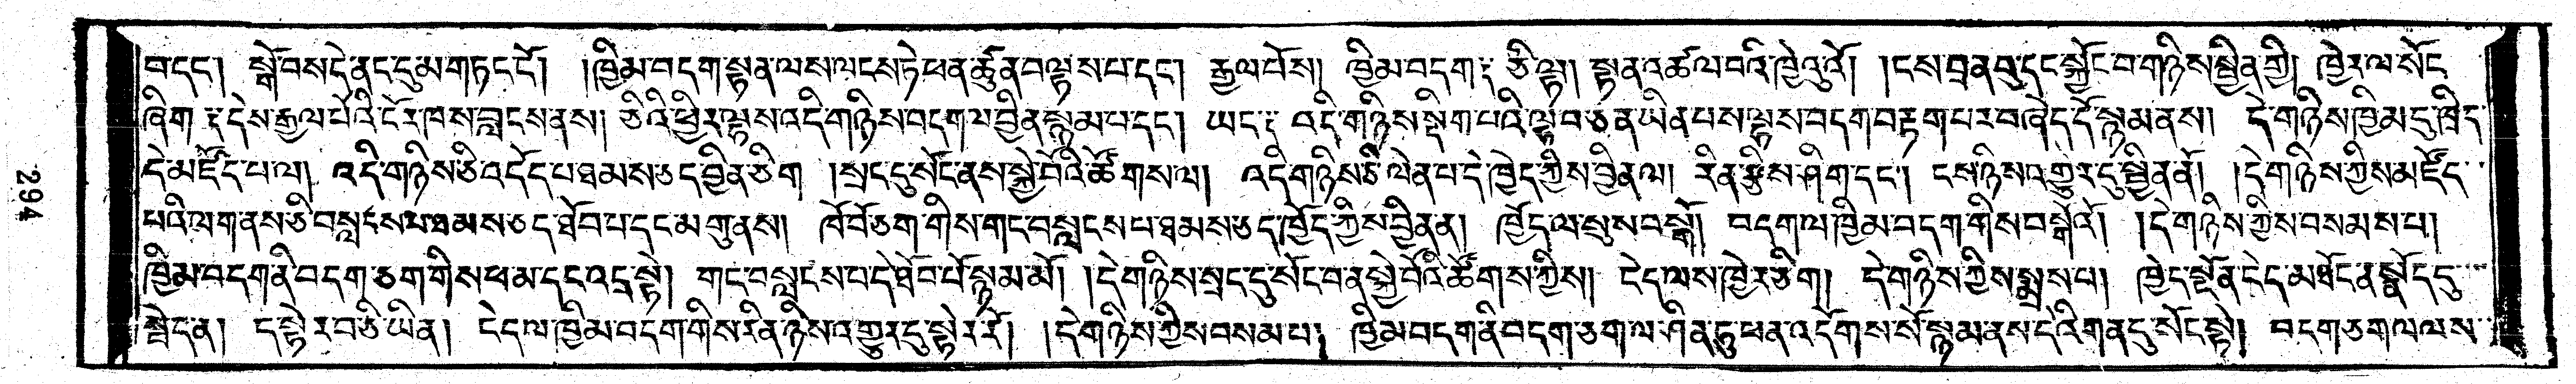བ་དང་། སྒོ་བས་དེ་ནང་དུ་མ་གཏང་ངོ། །ཁྱིམ་བདག་སྟན་ལས་ལངས་ཏེ་ཕན་ཚུན་བལྟས་པ་དང་། རྒྱལ་པོས། ཁྱིམ་བདག༑ ཅི་ལྟ། སྟན་འཚལ་བའི་ཁྱེའུའོ། །ངས་བྲན་བུ་དང་སྐྱོང་བ་གཉིས་སྦྱིན་གྱི། ཁྱེར་ལ་སོང་
ཞིག༑ དེས་རྒྱལ་པོའི་ངོར་ཁས་བླངས་ནས། ཅིའི་ཕྱིར་ལྷས་འདི་གཉིས་བདག་ལ་བྱིན་སྙམ་པ་དང་། ཡང༑ འདི་གཉིས་སྡིག་པའི་ལྟ་བ་ཅན་ཡིན་པས་ལྷས་བདག་བརྟག་པར་བཞེད་དོ་སྙམ་ནས། དེ་གཉིས་ཁྱིམ་དུ་ཁྲིད་
དེ་མཛོད་པ་ལ། འདི་གཉིས་ཅི་འདོད་པ་ཐམས་ཅད་བྱིན་ཅིག །སྲང་དུ་སོང་ནས་སྐྱེ་བོའི་ཚོགས་ལ། འདི་གཉིས་ཅི་ལེན་པ་དེ་ཁྱེད་ཀྱིས་བྱིན་ལ། རིན་རྩིས་ཤིག་དང་། ངས་ཉིས་འགྱུར་དུ་སྦྱིན་ནོ། །དེ་གཉིས་ཀྱིས་མཛོད་
པའི་ལག་ནས་ཅི་བསླངས་པ་ཐམས་ཅད་ཐོབ་པ་དང་མགུ་ནས། ཁོ་བོ་ཅག་གིས་གང་བསླངས་པ་ཐམས་ཅད་ཁྱོད་ཀྱིས་བྱིན་ན། ཁྱོད་ལ་སུས་བསྒོ། བདག་ལ་ཁྱིམ་བདག་གིས་བསྒོའོ། །དེ་གཉིས་ཀྱིས་བསམས་པ།
ཁྱིམ་བདག་ནི་བདག་ཅག་གིས་ཕ་མ་དང་འདྲ་སྟེ། གང་བསླངས་པ་དེ་ཐོབ་བོ་སྙམ་མོ། །དེ་གཉིས་སྲང་དུ་སོང་བ་ན་སྐྱེ་བོའི་ཚོགས་ཀྱིས། ངེད་ལས་ཁྱེར་ཅིག། དེ་གཉིས་ཀྱིས་སྨྲས་པ། ཁྱེད་སྔོན་ངེད་མཐོང་ན་སྣོད་དུ་
སྦེད་ན། ད་སྟེར་བ་ཅི་ཡིན། ངེད་ལ་ཁྱིམ་བདག་གིས་རིན་ཉིས་འགྱུར་དུ་སྟེར་རོ། །དེ་གཉིས་ཀྱིས་བསམ་པ། ཁྱིམ་བདག་ནི་བདག་ཅག་ལ་ཤིན་ཏུ་ཕན་འདོགས་སོ་སྙམ་ནས་དེའི་གན་དུ་སོང་སྟེ། བདག་ཅག་ལ་ལས་